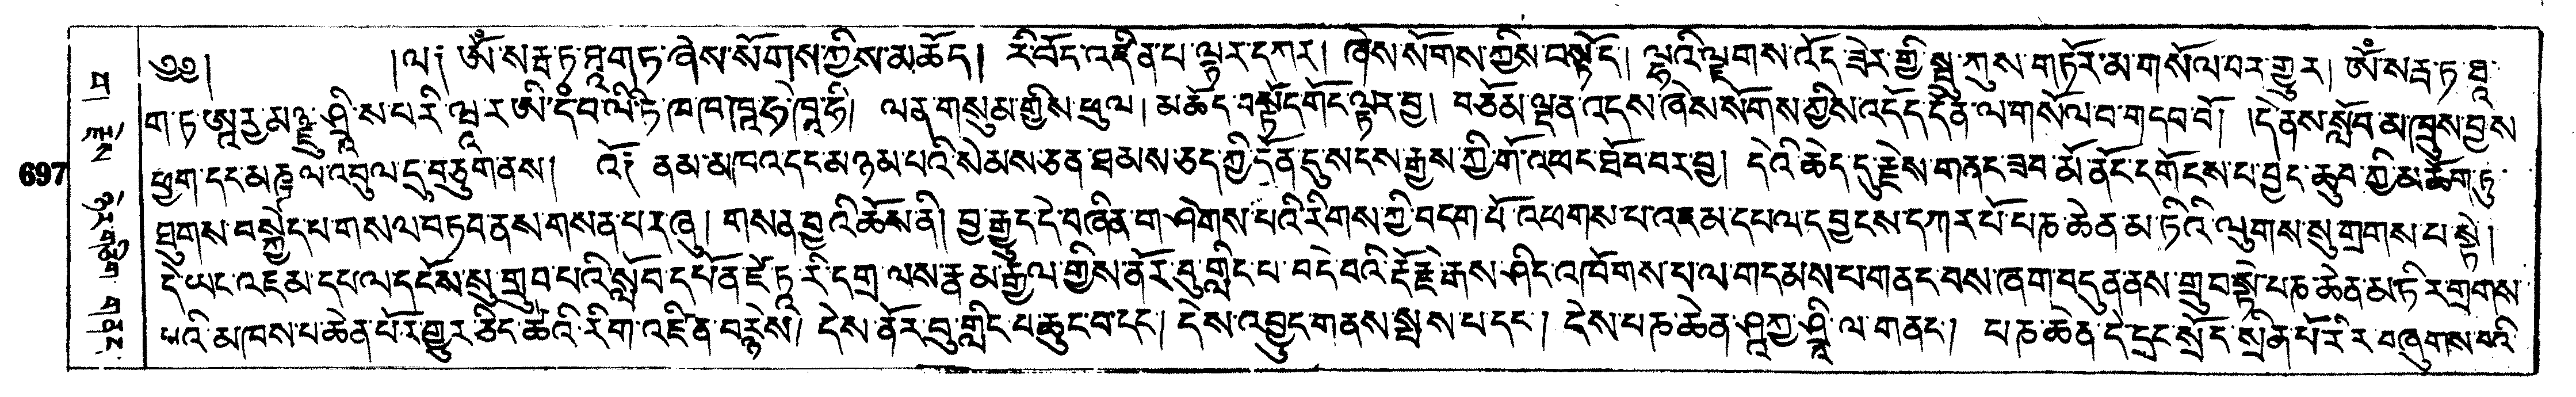༄༅། །ལ༑ ཨོཾ་སརྦ་ཏ་ཐཱ་ག་ཏ་ཞེས་སོགས་ཀྱིས་མཆོད། རི་བོང་འཛིན་པ་ལྟར་དཀར། ཞེས་སོགས་ཀྱིས་བསྟོད། ལྷའི་ལྗགས་འོད་ཟེར་གྱི་སྦུ་ཀུས་གཏོར་མ་གསོལ་བར་གྱུར། ཨོཾ་སརྦ་ཏ་ཐཱ་
ག་ཏ་ཨཱརཡ་མཉྫུ་ཤྲཱི་ས་པ་རི་ཝཱ་ར་ཨི་དཾ་བ་ལི་ཏི་ཁ་ཁ་ཁཱ་ཧེ་ཁཱ་ཧི། ལན་གསུམ་གྱིས་ཕུལ། མཆོད་བསྟོད་གོང་ལྟར་བྱ། བཅོམ་ལྡན་འདས་ཞེས་སོགས་ཀྱིས་འདོད་དོན་ལ་གསོལ་བ་གདབ་བོ། །དེ་ནས་སློབ་མ་ཁྲུས་བྱས་
ཕྱག་དང་མཎྜལ་འབུལ་དུ་བཅུག་ནས། འོ༑ ནམ་མཁའ་དང་མཉམ་པའི་སེམས་ཅན་ཐམས་ཅད་ཀྱི་དོན་དུ་སངས་རྒྱས་ཀྱི་གོ་འཕང་ཐོབ་པར་བྱ། དེའི་ཆེད་དུ་རྗེས་གནང་ཟབ་མོ་ནོང་དགོངས་པ་བྱང་ཆུབ་ཀྱི་མཆོག་ཏུ་
ཐུགས་བསྐྱེད་པ་གསལ་བཏབ་ནས་གསན་པར་ཞུ། གསན་བྱའི་ཆོས་ནི། བྱ་རྒྱུད་དེ་བཞིན་གཤེགས་པའི་རིགས་ཀྱི་བདག་པོ་འཕགས་པ་འཇམ་དཔལ་དབྱངས་དཀར་པོ་པཎ་ཆེན་མ་ཏིའི་ལུགས་སུ་གྲགས་པ་སྟེ།
དེ་ཡང་འཇམ་དཔལ་དངུལས་སུ་གྲུབ་པའི་སློབ་དཔོན་ཛེ་ཏཱ་རི་དགྲ་ལས་རྣམ་རྒྱལ་གྱིས་ནོར་བུ་གླིང་པ་བདེ་བའི་རྡོ་རྗེ་རྒས་ཤིང་འཁོགས་པ་ལ་གདམས་པ་གནང་བས་ཞག་བདུན་ནས་གྲུ་བསྟེ་པཎ་ཆེན་མ་ཏིར་གྲགས་
པའི་མཁས་པ་ཆེན་པོར་གྱུར་ཅིང་ཚེའི་རིག་འཛིན་བརྙེས། དེས་ནོར་བུ་གླིང་པ་ཆུང་བ་དང་། དེས་འབྱུང་གནས་སྤས་པ་དང་། ངེས་པཎ་ཆེན་ཤཱཀྱ་ཤྲཱི་ལ་གནང་། པཎ་ཆེན་དེ་དྲང་སྲོང་སྲིན་པོ་རིར་བཞུགས་པའི་